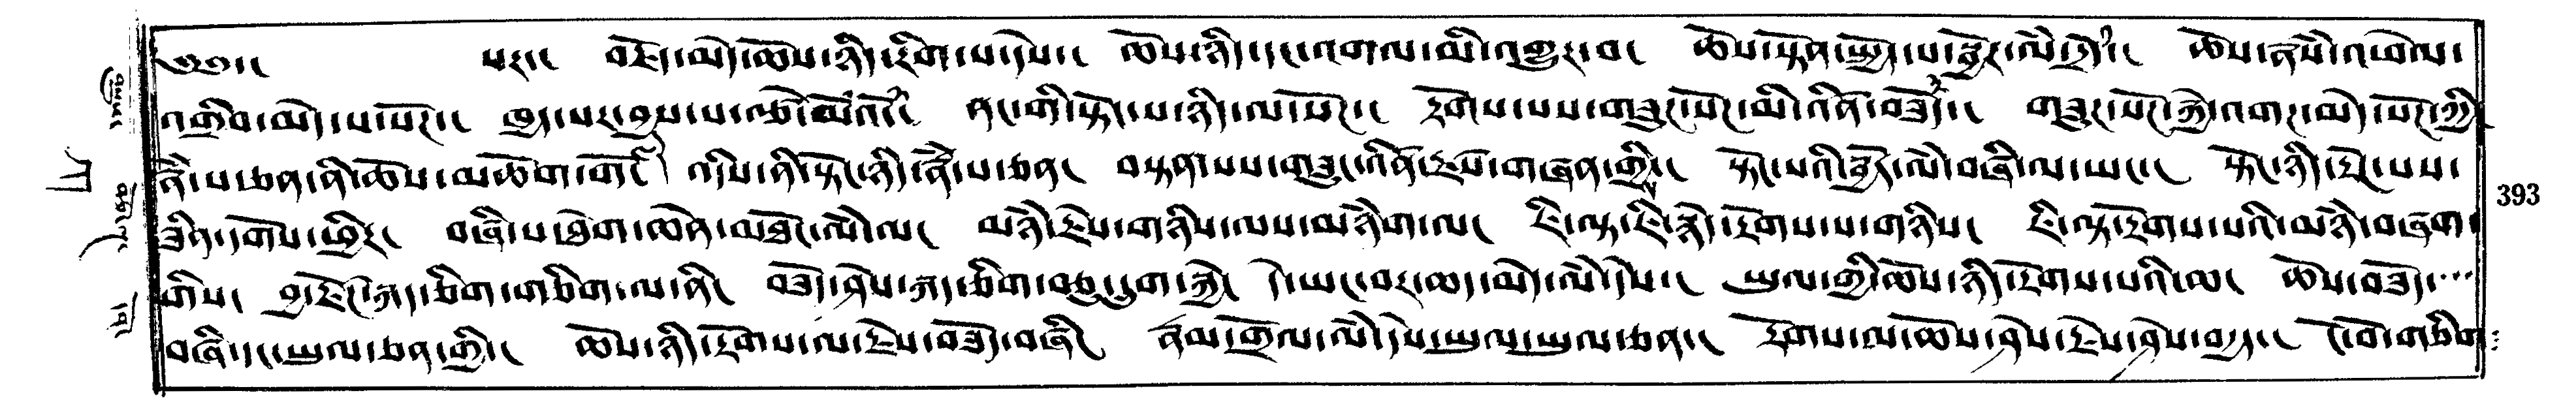པར། །བརྗོད་མེད་ཆོས་ཉིད་རིག་པ་དེས། །ཆོས་ཉིད་དང་འགལ་མི་འགྱུར་བ། །ཆོས་སྟོན་སྤྱོད་པ་སྦྱོར་ལམ་དྲོད། །ཆོས་རྣམས་འཕེལ་
འགྲིབ་མེད་པ་སོགས། ཁྱད་པར་བྱས་པ་རྩེ་མོའོ། །ནང་གི་སྟོང་པ་ཉིད་ལ་སོགས། །རྟོགས་པ་གཟུགས་སོགས་མིའཛིན་བཟོད། །གཟུགས་སོགས་སྐྱེ་འགགས་མེད་སོགས་ཀྱི། །
རྣམ་པ་ཅན་ནི་ཆོས་མཆོག་གོ།འདིས་ནི་སྟོང་ཉིད་རྣམ་པ་ཅན། །བསྟན་པས་གཟུང་འཛིན་རྫས་གཞན་གྱིས། །སྟོང་པའི་སྦྱོར་ལམ་བཞི་ལ་ཡང་། །སྟོང་ཉིད་རྟོགས་པས་
ཟིན་དགོས་ཕྱིར། །བཞི་པ་ཐེག་ཆེན་མཐོང་ལམ་ལ། །མཉམ་རྗེས་གཉིས་ལས་མཉམ་བཞག་ལ། །ཇི་ལྟ་ཇི་སྙེད་རྟོགས་པ་གཉིས། །ཇི་ལྟ་རྟོགས་པའི་མཉམ་བཞག་
གིས། །བྱ་རྫོགས་སྐད་ཅིག་གཅིག་ལ་ནི། །བཟོད་ཤེས་སྐད་ཅིག་བཅུ་དྲུག་སྐྱེ། །དེ་ཡང་བར་ཆད་མེད་ལམ་དེས། །ཡུལ་གྱི་ཆོས་ཉིད་རྟོགས་པའི་ཆ། །ཆོས་བཟོད་
བཞི་དང་ཡུལ་ཅན་གྱི། །ཆོས་ཉིད་རྟོགས་ལ་རྗེས་བཟོད་བཞི། །རྣམ་གྲོལ་ལམ་དེས་ཡུལ་ཡུལ་ཅན། །རྟོགས་ལ་ཆོས་ཤེས་རྗེས་ཤེས་བརྒྱད། །ངོ་བོ་གཅིག་